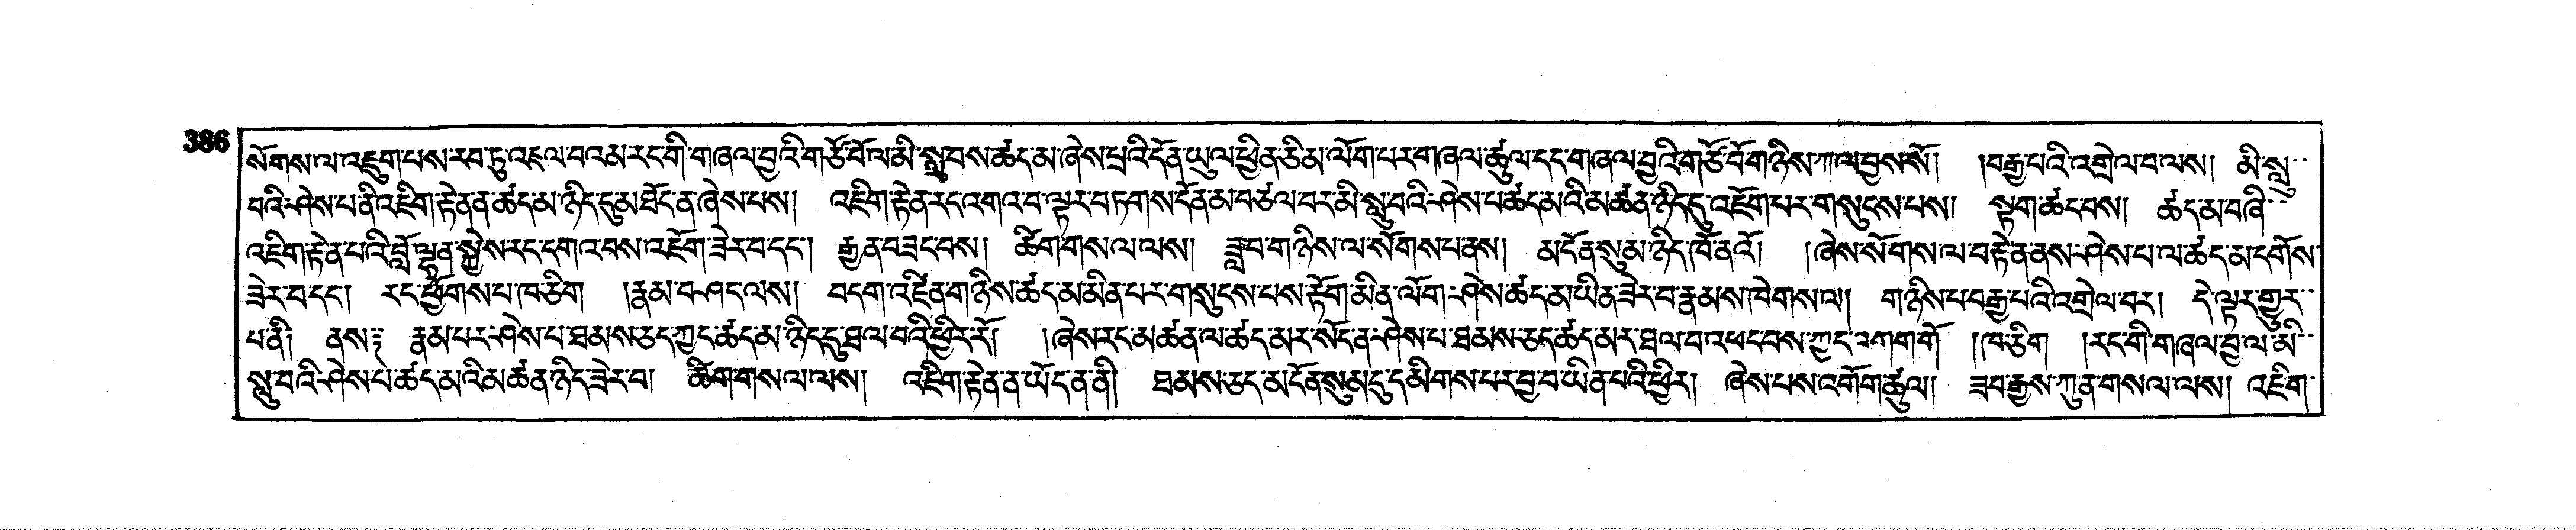སོགས་ལ་འཇུག་པས་རབ་ཏུ་འཇལ་བའམ་རང་གི་གཞལ་བྱའི་གཙོ་བོ་ལ་མི་སྒྲུ་བས་ཚད་མ་ཞེས་པྲའི་དོན་ཡུལ་ཕྱིན་ཅི་མ་ལོག་པར་གཞལ་ཚུལ་དང་གཞལ་བྱའི་གཙོ་བོ་གཉིས་ཀ་ལ་བྱས་སོ། །བརྒྱ་པའི་འགྲེལ་བ་ལས། མི་སླུ་
བའི་ཤེས་པ་ནི་འཇིག་རྟེན་ན་ཚད་མ་ཉིད་དུ་མཐོང་ན་ཞེས་པས། འཇིག་རྟེན་རང་འགའ་བ་ལྟར་བཏགས་དོན་མ་བཙལ་བར་མི་སླུ་བའི་ཤེས་པ་ཚད་མའི་མཚན་ཉིད་དུ་འཇོག་པར་གསུངས་པས། སྟག་ཚང་བས། ཚད་མ་བཞི་
འཇིག་རྟེན་པའི་བློ་ལྷན་སྐྱེས་རང་དགའ་བས་འཇོག་ཟེར་བ་དང་། རྒྱན་བཟང་བས། ཚིག་གསལ་ལས། ཟླ་བ་གཉིས་ལ་སོགས་པ་ནས། མངོན་སུམ་ཉིད་ཁོ་ནའོ། །ཞེས་སོགས་ལ་བརྟེན་ནས་ཤེས་པ་ལ་ཚད་མ་དགོས་
ཟེར་བ་དང་། རང་ཕྱོགས་པ་ཁ་ཅིག །རྣམ་བཤད་ལས། བདག་འཛིན་གཉིས་ཚད་མ་མིན་པར་གསུངས་པས་རྟོག་མིན་ལོག་ཤེས་ཚད་མ་ཡིན་ཟེར་བ་རྣམས་ཁེགས་ལ། གཉིས་པ་བརྒྱ་པའི་འགྲེལ་བར། དེ་ལྟར་གྱུར་
པ་ནི། ནས༑ རྣམ་པར་ཤེས་པ་ཐམས་ཅད་ཀྱང་ཚད་མ་ཉིད་དུ་ཐལ་བའི་ཕྱིར་རོ། །ཞེས་རང་མཚན་ལ་ཚད་མར་སོང་ན་ཤེས་པ་ཐམས་ཅད་ཚད་མར་ཐལ་བ་འཕང་བས་ཀྱང་འགག་གོ །ཁ་ཅིག །རང་གི་གཞལ་བྱ་ལ་མི་
སླུ་བའི་ཤེས་པ་ཚད་མའི་མཚན་ཉིད་ཟེར་བ། ཚིག་གསལ་ལས། འཇིག་རྟེན་ན་ཡོད་ན་ནི། ཐམས་ཅད་མངོན་སུམ་དུ་དམིགས་པར་བྱ་བ་ཡིན་པའི་ཕྱིར། ཞེས་པས་འགོག་ཚུལ། ཟབ་རྒྱས་ཀུན་གསལ་ལས། འཇིག་